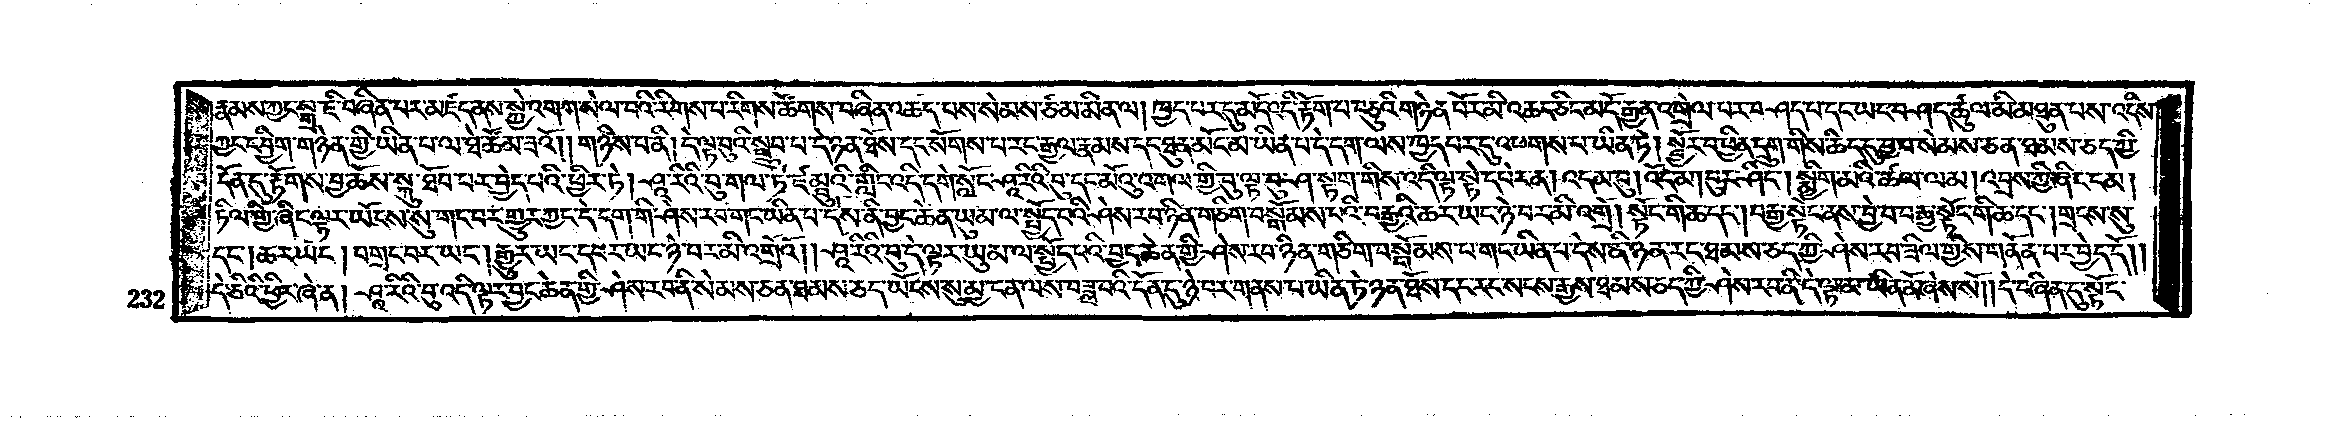རྣམས་ཀྱང་སྒྲ་ཇི་བཞིན་པར་མཛད་ནས་སྐྱེ་འགག་སེལ་བའི་རིགས་པ་རིགས་ཚོགས་བཞིན་འཆད་པས་སེམས་ཙམ་མིན་ལ། ཁྱད་པར་དུ་མདོ་འདི་རྟོག་པ་བཅུའི་གཉེན་པོར་མི་འཆད་ཅིང་མདོ་རྒྱན་འགྲེལ་པར་བཤད་པ་དང་ཡང་བཤད་ཚུལ་མི་མཐུན་པས་འདིས་
ཀྱང་དབྱིག་གཉེན་གྱི་ཡིན་པ་ལ་ཐེ་ཚོམ་ཟའོ། །གཉིས་པ་ནི། དེ་ལྟ་བུའི་སྒྲུབ་པ་དེ་ཉན་ཐོས་དང་སོགས་པ་རང་རྒྱལ་རྣམས་དང་ཐུན་མོང་མ་ཡིན་པ་དེ་དག་ལས་ཁྱད་པར་དུ་འཕགས་པ་ཡིན་ཏེ། སྦྱོར་བ་ཕྱིན་དྲུག་གིས་ཆེད་དུ་བྱ་བ་སེམས་ཅན་ཐམས་ཅད་ཀྱི་
དོན་དུ་རྟོགས་བྱ་ཆོས་སྐུ་ཐོབ་པར་བྱེད་པའི་ཕྱིར་ཏེ། ཤཱ་རིའི་བུ་གལ་ཏེ་ཛམྦུའི་གླིང་འདི་དགེ་སློང་ཤཱ་རིའི་བུ་དང་མོའུ་འགལ་གྱི་བུ་ལྟ་བུ་ཤ་སྟག་གིས་འདི་ལྟ་སྟེ་དཔེར་ན། འདམ་བུ། འོད་མ། བུར་ཤིང་། སྨྱིག་མའི་ཚལ་ལམ། འབྲས་ཀྱི་ཞིང་ངམ།
ཏིལ་གྱི་ཞིང་ལྟར་ཡོངས་སུ་གང་བར་གྱུར་ཀྱང་དེ་དག་གི་ཤེས་རབ་གང་ཡིན་པ་དེས་ནི་བྱང་ཆེན་ཡུམ་ལ་སྤྱོད་པའི་ཤེས་རབ་ཉིན་གཅིག་བསྒོམས་པའི་བརྒྱའི་ཆར་ཡང་ཉེ་བར་མི་འགྲོ། སྟོང་གི་ཆ་དང་། བརྒྱ་སྟོང་ནས་བྱེ་བ་བརྒྱ་སྟོང་གི་ཆ་དང་། གྲངས་སུ་
དང་། ཆར་ཡང་། བགྲང་བར་ཡང་། རྒྱུར་ཡང་དཔེར་ཡང་ཉེ་བར་མི་འགྲོའོ། །ཤཱ་རིའི་བུ་དེ་ལྟར་ཡུམ་ལ་སྤྱོད་པའི་བྱང་ཆེན་གྱི་ཤེས་རབ་ཉིན་གཅིག་བསྒོམས་པ་གང་ཡིན་པ་དེས་ནི་ཉན་རང་ཐམས་ཅད་ཀྱི་ཤེས་རབ་ཟིལ་གྱིས་གནོན་པར་བྱེད་དོ། །
དེ་ཅིའི་ཕྱིར་ཞེ་ན། ཤཱ་རིའི་བུ་འདི་ལྟར་བྱང་ཆེན་གྱི་ཤེས་རབ་ནི་སེམས་ཅན་ཐམས་ཅད་ཡོངས་སུ་མྱ་ངན་ལས་བཟླ་བའི་དོན་དུ་ཉེ་བར་གནས་པ་ཡིན་ཏེ་ཉན་ཐོས་དང་རང་སངས་རྒྱས་ཐམས་ཅད་ཀྱི་ཤེས་རབ་ནི་དེ་ལྟ་མ་ཡིན་ནོ་ཞེས་སོ། །དེ་བཞིན་དུ་སྟོང་